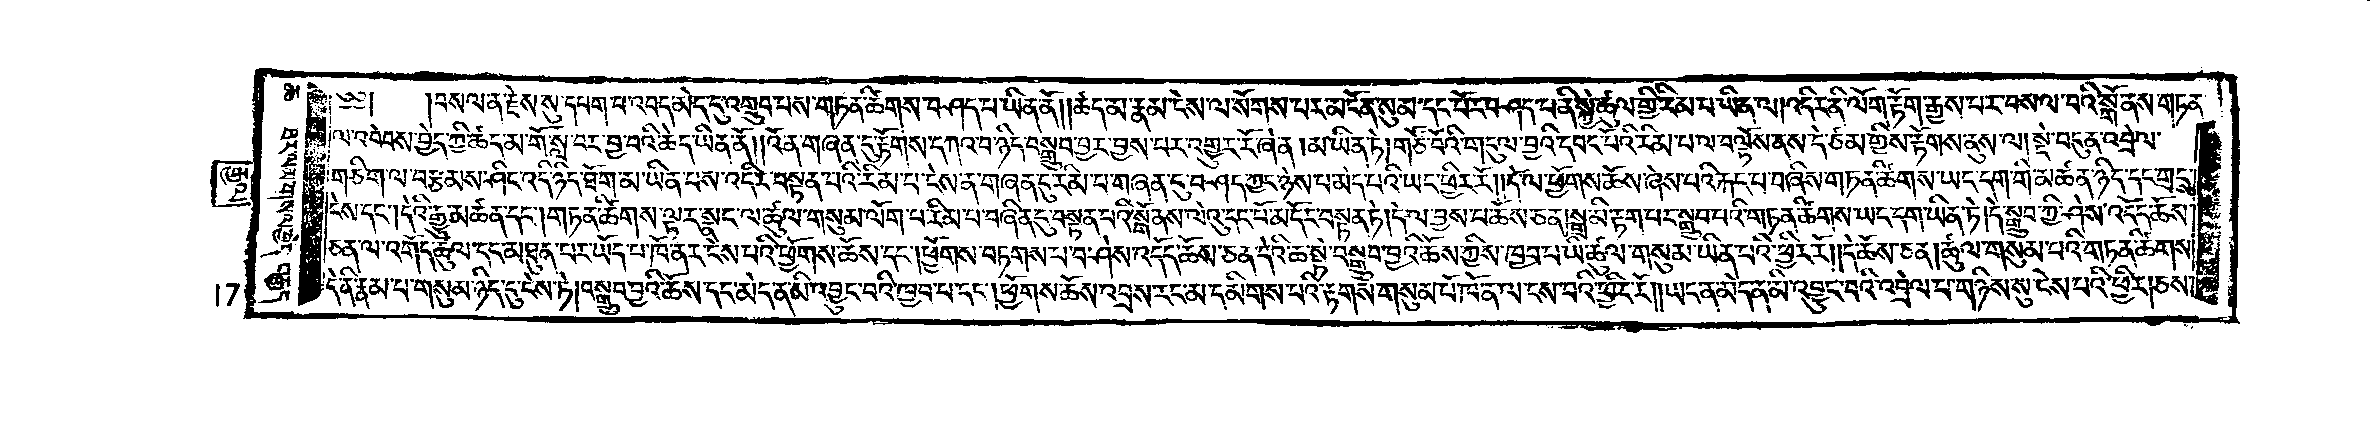༄༅། །བསལ་ན་རྗེས་སུ་དཔག་པ་འབད་མེད་དུ་འགྲུབ་པས་གཏན་ཚིགས་བཤད་པ་ཡིན་ནོ། །ཚད་མ་རྣམ་ངེས་ལ་སོགས་པར་མངོན་སུམ་དང་པོར་བཤད་པ་ནི་སྐྱེ་ཚུལ་གྱི་རིམ་པ་ཡིན་ལ། འདིར་ནི་ལོག་རྟོག་རྒྱས་པར་བསལ་བའི་སྒོ་ནས་གཏན་
ལ་འབེབས་བྱེད་ཀྱི་ཚད་མ་གོ་སླ་བར་བྱ་བའི་ཆེད་ཡིན་ནོ། །འོ་ན་གཞན་དུ་རྟོགས་དཀའ་བ་ཉིད་བསྒྲུབ་བྱར་བྱས་པར་འགྱུར་རོ་ཞེ་ན། མ་ཡིན་ཏེ། གཙོ་བོའི་གདུལ་བྱའི་དབང་པོའི་རིམ་པ་ལ་བལྟོས་ནས་དེ་ཙམ་གྱིས་རྟོགས་ནུས་ལ། སྡེ་བདུན་འབྲེལ་
གཅིག་ལ་བརྩམས་ཤིང་འདི་ཉིད་ཐོག་མ་ཡིན་པས་འདིར་བསྟན་པའི་རིམ་པ་ངེས་ན་གཞན་དུ་རིམ་པ་གཞན་དུ་བཤད་ཀྱང་ཉེས་པ་མེད་པའི་ཡང་ཕྱིར་རོ། །དེ་ལ་ཕྱོགས་ཆོས་ཞེས་པའི་རྐང་པ་བཞིས་གཏན་ཚིགས་ཡང་དག་གི་མཚན་ཉིད་དང་གྲངས་
ངེས་དང་། དེའི་རྒྱུ་མཚན་དང་། གཏན་ཚིགས་ལྟར་སྣང་ལ་ཚུལ་གསུམ་ལོག་པ་རིམ་པ་བཞིན་དུ་བསྟན་པའི་སྒོ་ནས་ལེའུ་དང་པོ་མདོར་བསྟན་ཏེ། དེ་ལ་བྱས་པ་ཆོས་ཅན། སྒྲ་མི་རྟག་པར་སྒྲུབ་པའི་གཏན་ཚིགས་ཡང་དག་ཡིན་ཏེ། དེ་སྒྲུབ་ཀྱི་ཤེས་འདོད་ཆོས་
ཅན་ལ་འགོད་ཚུལ་དང་མཐུན་པར་ཡོད་པ་ཁོ་ནར་ངེས་པའི་ཕྱོགས་ཆོས་དང་། ཕྱོགས་བཏགས་པ་བ་ཤེས་འདོད་ཆོས་ཅན་དེའི་ཆ་སྟེ་བསྒྲུབ་བྱའི་ཆོས་ཀྱིས་ཁྱབ་པ་ཡི་ཚུལ་གསུམ་ཡིན་པའི་ཕྱིར་རོ། །དེ་ཆོས་ཅན། ཚུལ་གསུམ་པའི་གཏན་ཚིགས་
དེ་ནི་རྣམ་པ་གསུམ་ཉིད་དུ་ངེས་ཏེ། བསྒྲུབ་བྱའི་ཆོས་དང་མེད་ན་མི་འབྱུང་བའི་ཁྱབ་པ་དང་། ཕྱོགས་ཆོས་འབྲས་རང་མ་དམིགས་པའི་རྟགས་གསུམ་པོ་ཁོ་ན་ལ་ངེས་པའི་ཕྱིར་རོ། །ཡང་ན་མེད་ན་མི་འབྱུང་བའི་འབྲེལ་པ་གཉིས་སུ་ངེས་པའི་ཕྱིར། ཅེས་